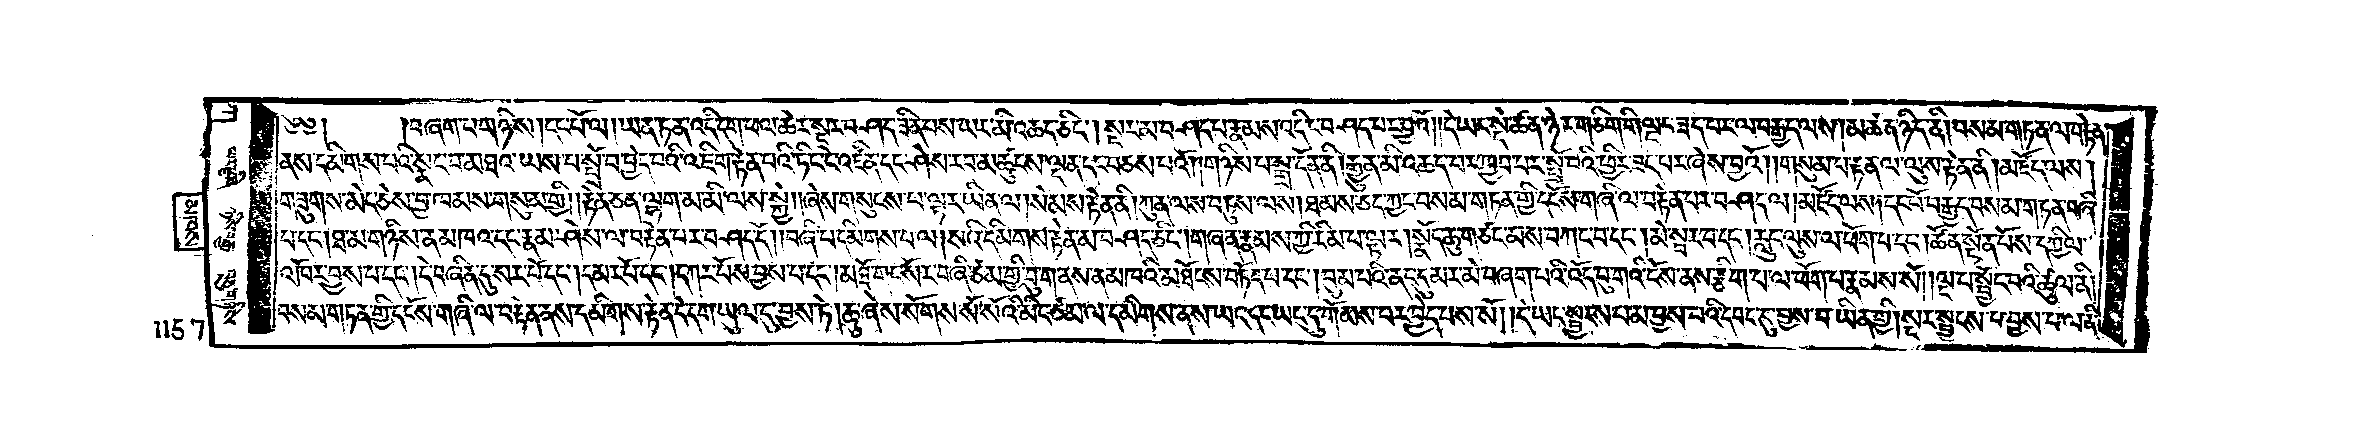༄༅། །བཞག་པ་གཉིས། དང་པོ་ལ། ཡོན་ཏན་འདི་དག་ཕལ་ཆེར་སྔར་བཤད་ཟིན་པས་ཡར་མི་འཆད་ཅིང་། སྔར་མ་བཤད་པ་རྣམས་འདིར་བཤད་པར་བྱའོ། །དེ་ཡང་སྡེ་ཚན་ཉེར་གཅིག་གི་སྡང་ཟད་པར་ལ་བརྒྱད་ལས། མཚན་ཉིད་ནི། བསམ་གཏན་ལ་བརྟེན་
ནས་དམིགས་པའི་སྣང་བ་མཐའ་ཡས་པ་སྤྲོ་བ་བྱེད་པའི་འཇིག་རྟེན་པའི་ཏིང་ངེ་འཛིན་དང་ཤེས་རབ་མཚུངས་ལྡན་དང་བཅས་པའོ། །གཉིས་པ་སྒྲ་དོན་ནི། རྒྱུན་མི་འཆད་པར་ཁྱབ་པར་སྤྲོ་བའི་ཕྱིར་ཟད་པར་ཞེས་བྱའོ། །གསུམ་པ་རྟེན་ལ་ལུས་རྟེན་ནི། མཛོད་ལས།
གཟུགས་མེད་ཅེས་བྱ་ཁམས་གསུམ་གྱི། །རྟེན་ཅན་ལྷག་མ་མི་ལས་སྐྱེ། །ཞེས་གསུངས་པ་ལྟར་ཡིན་ལ། སེམས་རྟེན་ནི། ཀུན་ལས་བཏུས་ལས། ཐམས་ཅད་ཀྱང་བསམ་གཏན་གྱི་དངོས་གཞི་ལ་བརྟེན་པར་བཤད་ལ། མཛོད་ལས། དང་པོ་བརྒྱད་བསམ་གཏན་བཞི་
པ་དང་། ཐ་མ་གཉིས་ནམ་མཁའ་དང་རྣམ་ཤེས་ལ་བརྟེན་པར་བཤད་དོ། །བཞི་པ་དམིགས་པ་ལ། སའི་དམིགས་རྟེན་མ་བཤད་ཅིང་། གཞན་རྣམས་ཀྱི་རིམ་པ་ལྟར། སྣོད་ཆུ་གཙང་མས་བཀང་བ་དང་། མེ་སྦར་བ་དང་། རླུང་ལུས་ལ་ཕོག་པ་དང་། ཚོན་སྔོན་པོས་དཀྱིལ་
འཁོར་བྱས་པ་དང་། དེ་བཞིན་དུ་སེར་པོ་དང་། དམར་པོ་དང་། དཀར་པོས་བྱས་པ་དང་། མཐོ་གང་སོར་བཞི་ཙམ་གྱི་བུ་ག་ནས་ནམ་མཁའི་མཐོངས་བཏོད་པ་དང་། བུམ་པའི་ནང་དུ་མར་མེ་བཞག་པའི་འོད་བུ་གའི་ངོས་ནས་རྩིག་པ་ལ་ཕོག་པ་རྣམས་སོ། །ལྔ་པ་སྦྱོང་བའི་ཚུལ་ནི།
བསམ་གཏན་གྱི་དངོས་གཞི་ལ་བརྟེན་ནས་དམིགས་རྟེན་དེ་དག་ཡུལ་དུ་བྱས་ཏེ། ཆུ་ཞེས་སོགས་སོ་སོའི་མིང་ཙམ་ལ་དམིགས་ནས་ཡང་དང་ཡང་དུ་གོམས་པར་བྱེད་པས་སོ། །དེ་ཡང་སྦྱངས་པ་མ་བྱས་པའི་དབང་དུ་བྱས་པ་ཡིན་གྱི། སྔར་སྦྱངས་པ་བྱས་པ་ལ་ནི་